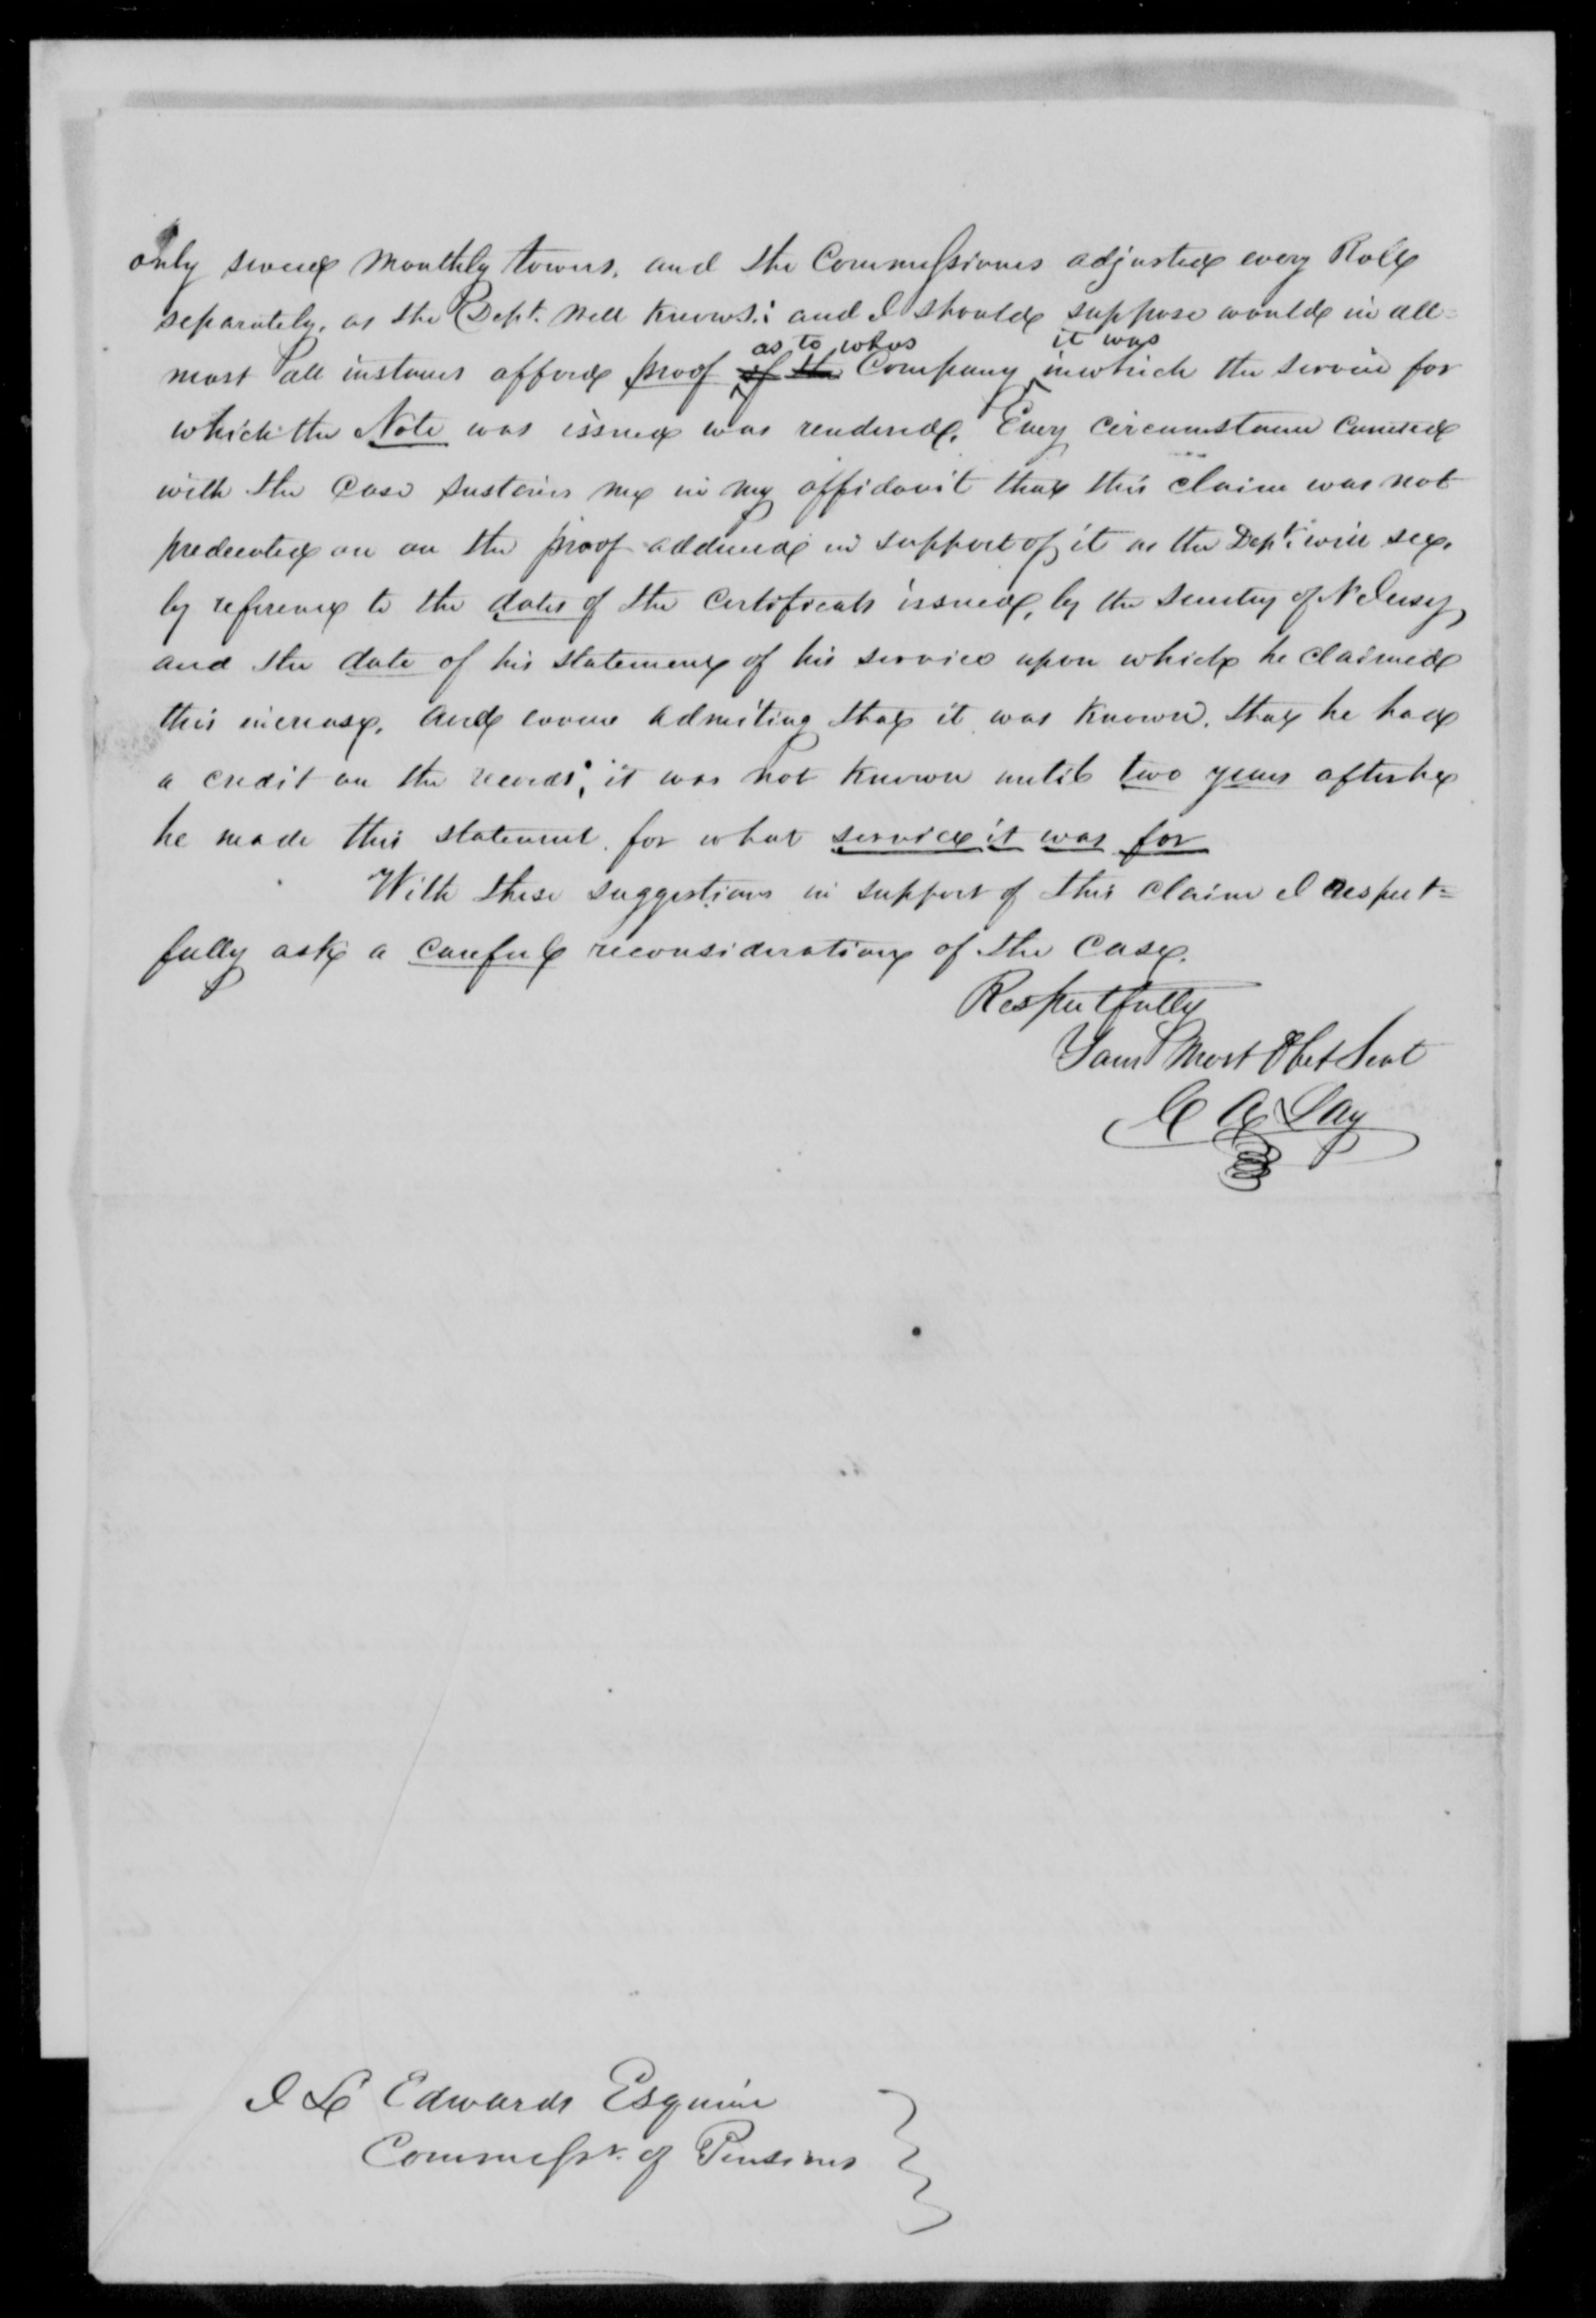only services monthly towers [tours], and the Commission adjusted every Roll separately, as the Dept. well knows: and I should suppose would in allmost [almost] all instances afford proof as to whos [whose] company ^ it was in which the service for which the Note was issued was rendered. Every circumstance connected with the case sustains me in my affidavit that this claim was not predicated on on the proof addressed in support of it as the Dept will see,by reference to the dates of the certificate issued by the Secretary of N Jersey and the date of his statement of his services upon which he claimed this increase. And covers admitting that it was known that he had a credit on the record; it was not known until two years after he made this statement for what services it was for
With these suggestions in support of this claim I respectfully ask a careful reconsideration of the case.
Respectfully
Your Most Obed Sevt
C A Lay


J l Edwards Esquire
Commissr of Pensions }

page: 66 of 101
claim: widow's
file: W. 25481, for Peter V Tilyou, New Jersey